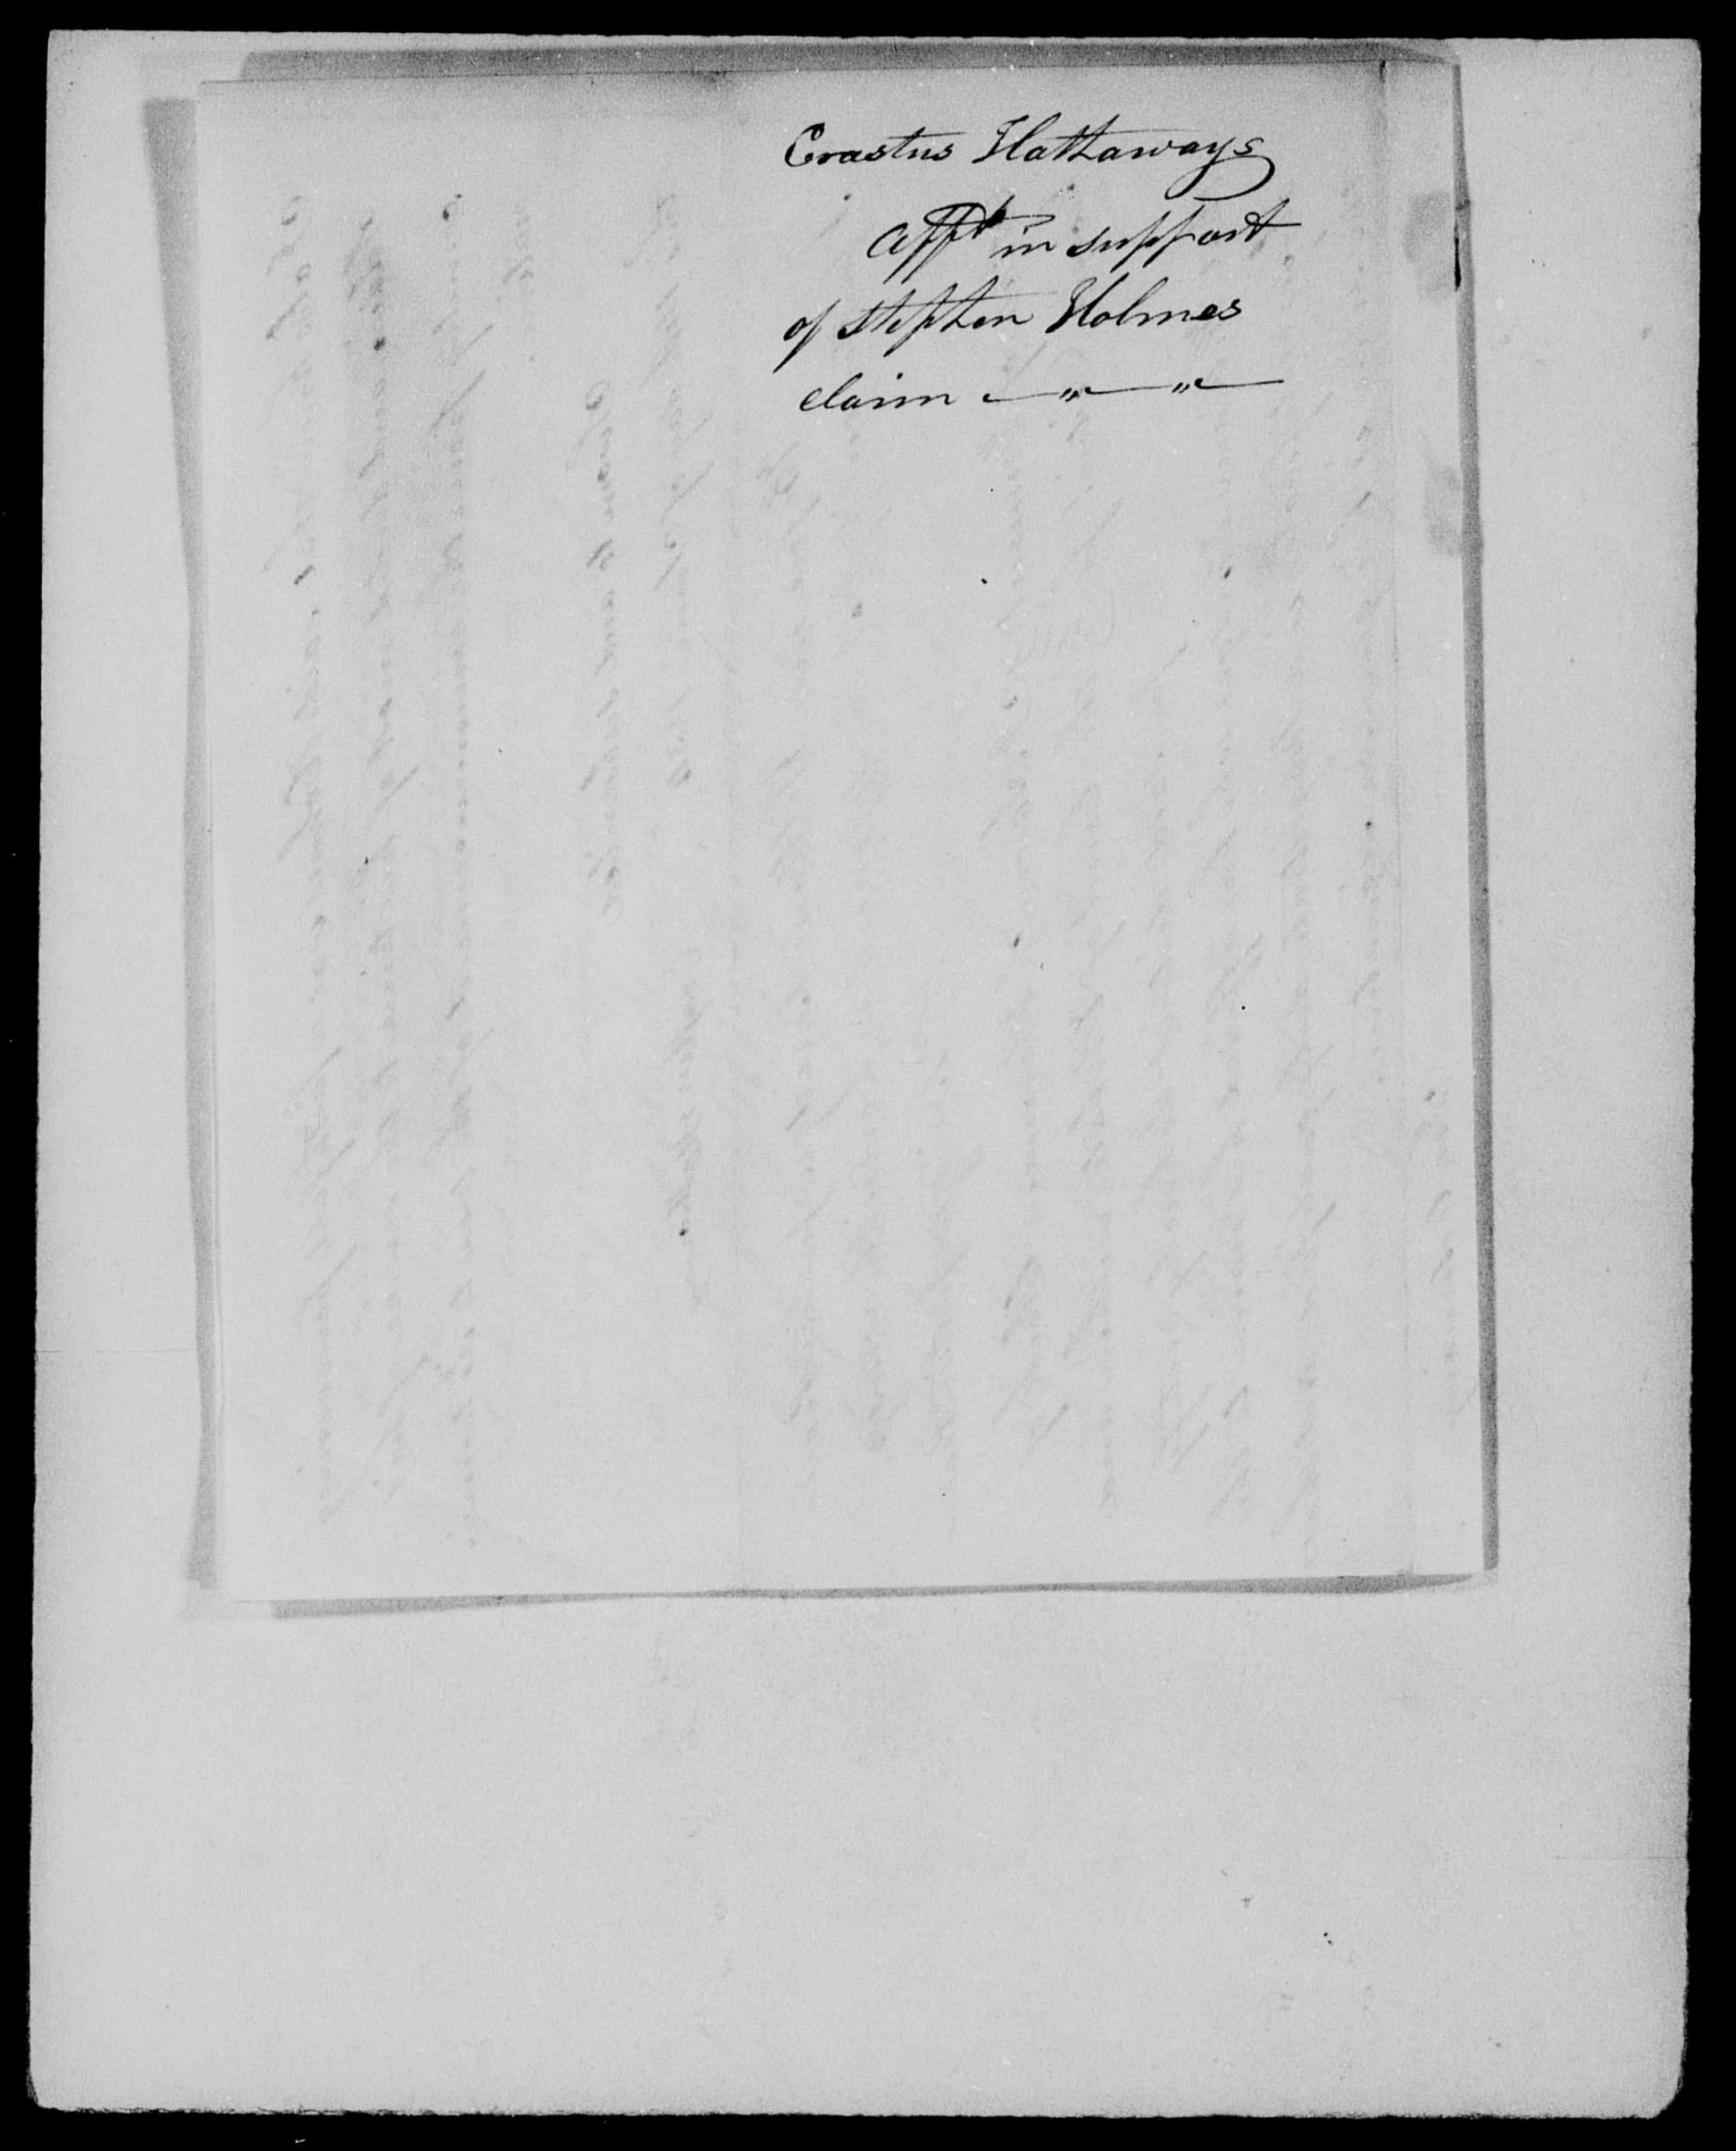Erastus Hathaways afft in support of Stephen Holmes claim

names: Stephen Holmes, Erastus Hathaway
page: 53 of 72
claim: widow's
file: W. 7771, Stephen Holmes, Vt.